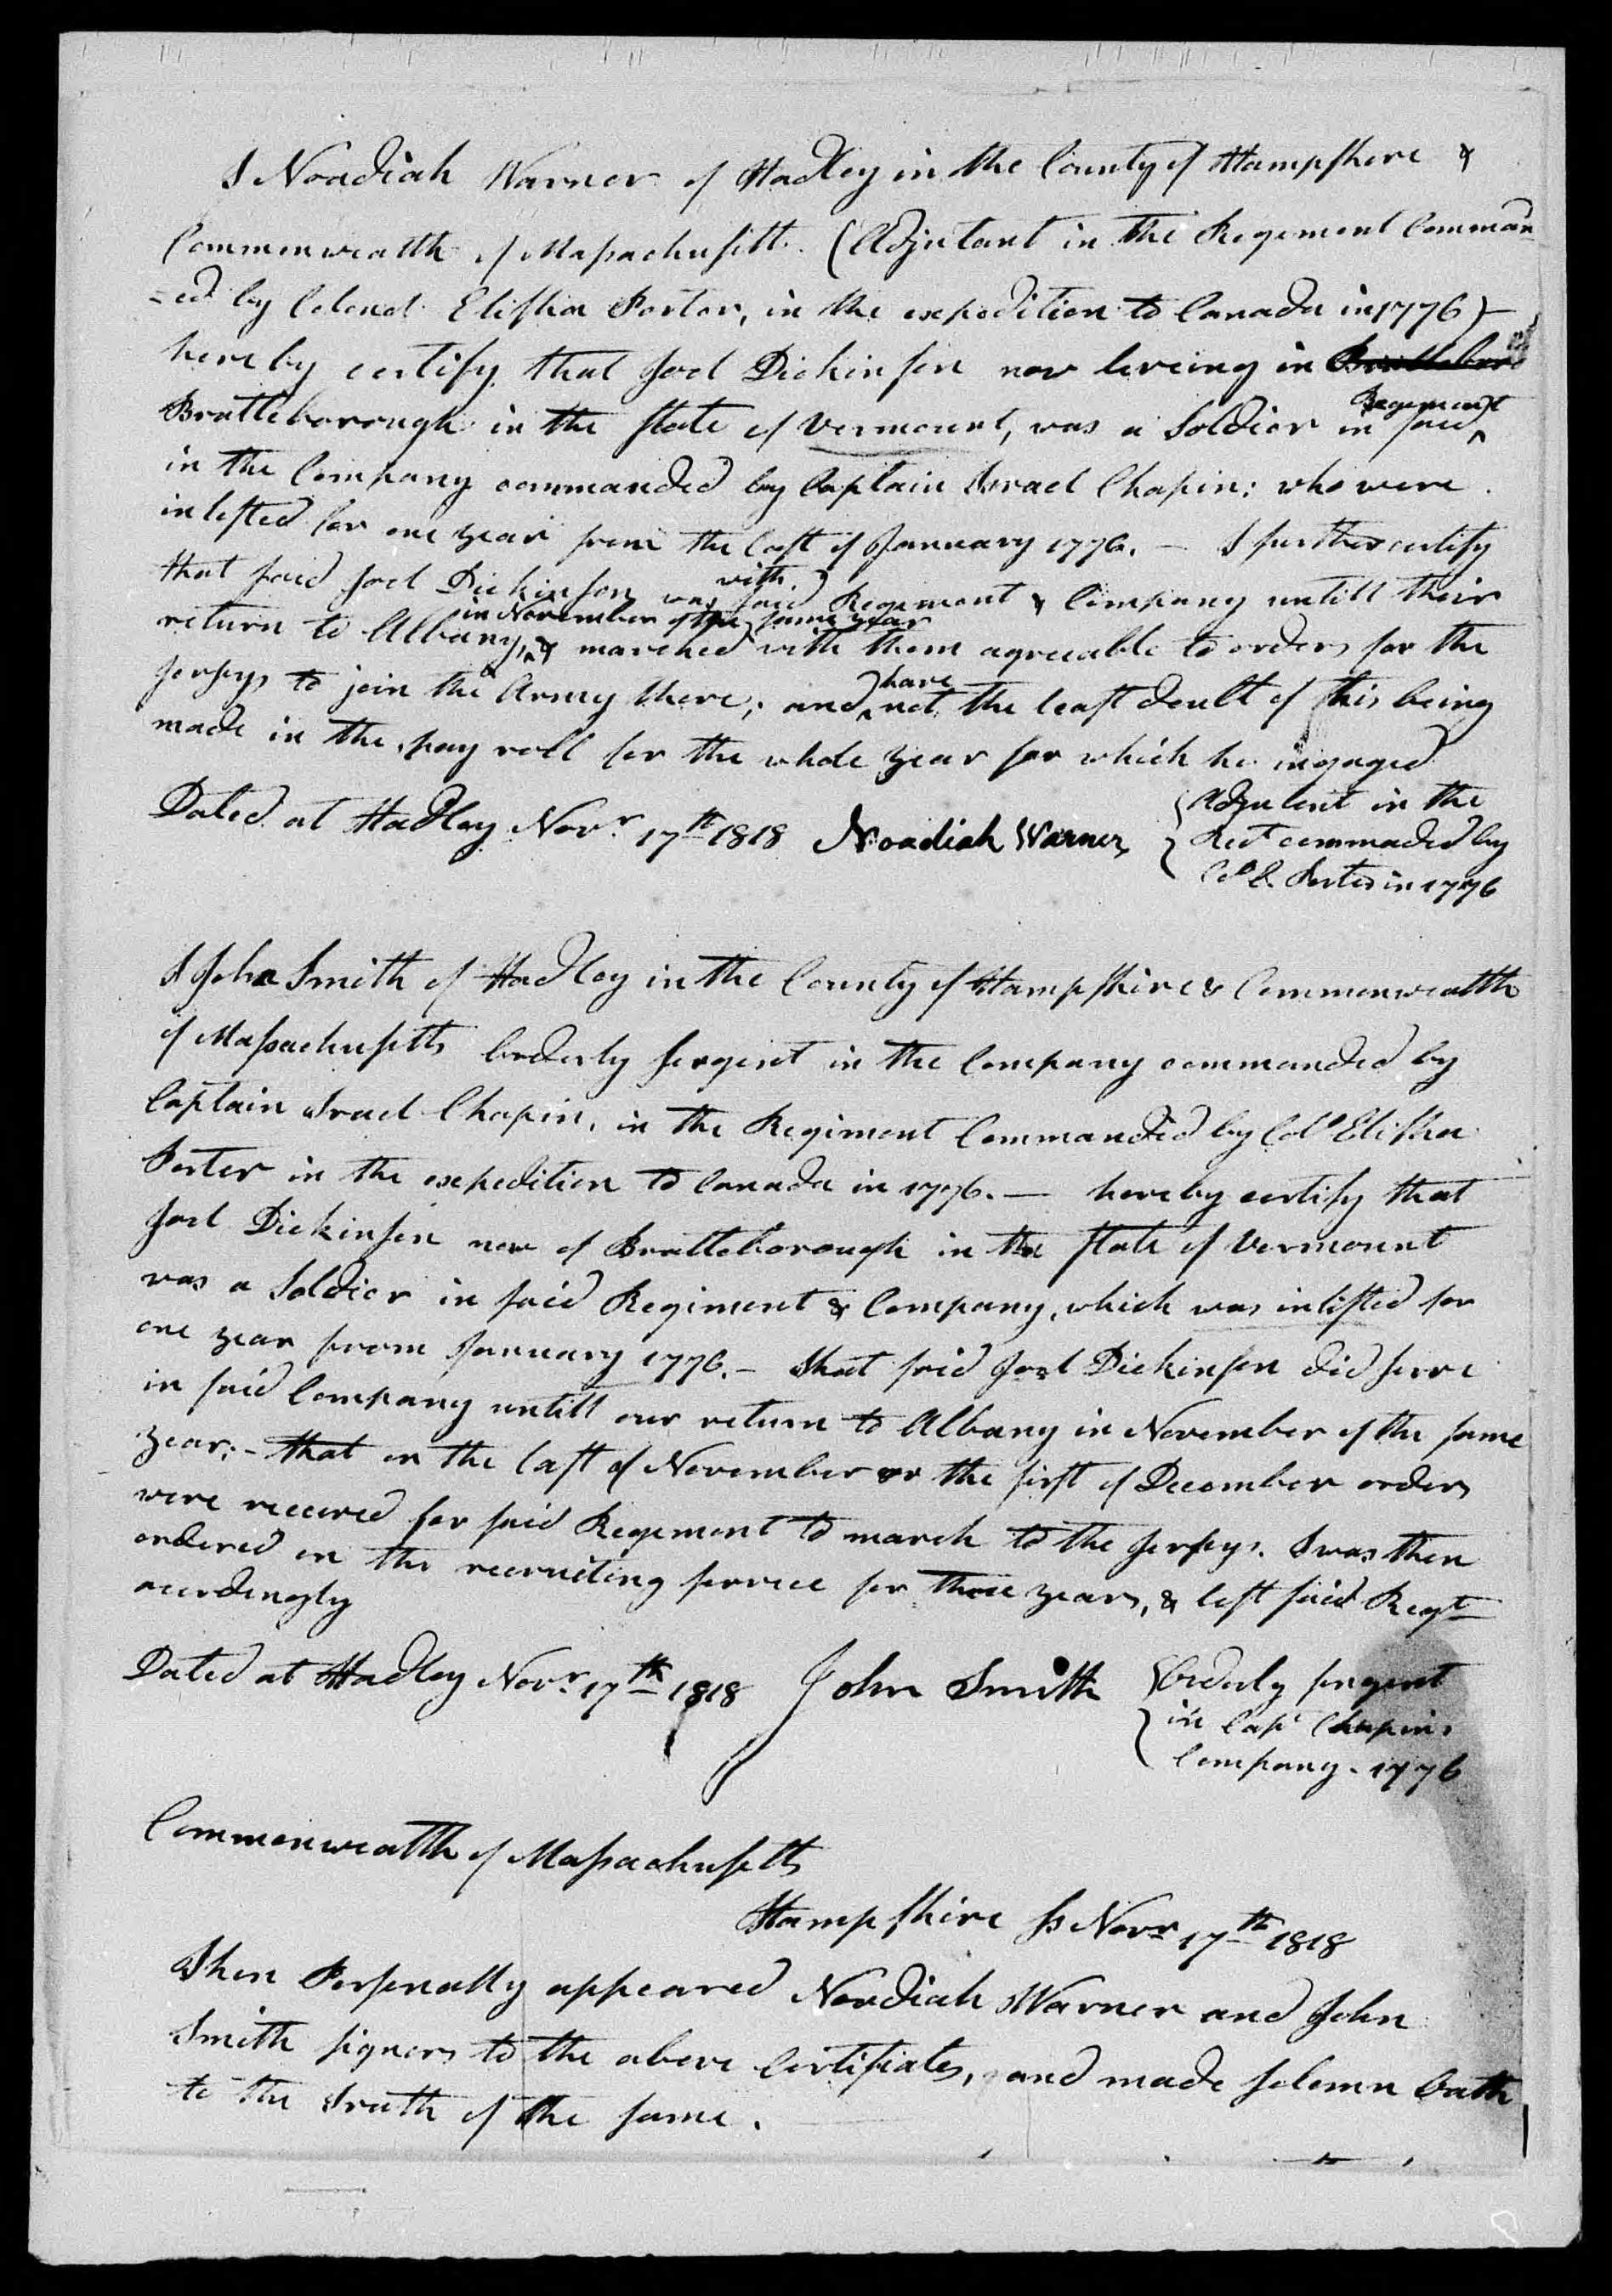I Noadiah Warner of Hadley in the County of Hampshire & Commonwealth of Massachusetts (Adjutant in the Regiment Commanded by Colonel Elisha Porter, in the expedition to Canada in 1776) -- hereby certify that Joel Dickinson now living in {crossed out: Brattleboro] Brattleborough in the State of Vermont, was a soldier in said Regiment in the Company commanded by Captain Israel Chapin ; who were inlisted for one year from the last [?] of January 1776. - I further certify that said Joel Dickinson was with said Regiment & Company until their return to Albany, in November of the same year & marched with them agreeable to orders for the  Jerseys to join the Army there ; and have not the least doubt of this being made in the pay roll for the whole year for which he ingaged.
Dated at Hadley Novr. 17th 1818 Noadiah Warner {Adjutant in the Regt. commanded by Col. E. Porter in 1776

I John Smith of Hadley in the county of Hampshire & Commonwealth of Massachusetts Orderly Sergeant in the Company commanded by Captain Israel Chapin, the the Regiment Commanded by Col. Elisha Porter in the expedition to Canada in 1776. -- hereby certify that Joel Dickinson now of Brattleborough in the State of Vermont was a Soldier in said Regiment & Company, which was inlisted for one year from January 1776. -- that said Joel Dickinson did serve in said Company untill our return to Albany in November of the same year. - that in the last  of November or the first of December orders were received for said Regiment to march to the Jerseys. I was then ordered in the recruiting service for three years, & left said Regt.
Dated at Hadley Novr. 17th 1818 John Smith { Orderly Sergeant in Capt. Chapin's Company 1776

Commonwealth of Massachusetts
Hampshire Ss Novr. 17th 1818
Then personally appeared Nordiah Warner and John Smith signers to the above certificates, and made solemn oath to the truth of the same.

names: E Porter, John Smith, Joel Dickinson, Elisha Porter, Israel Chapin, John Smith, Joel Dickinson, Noadiah Warner, Joel Dickinson, Noadiah Warner, Joel Dickinson, John Smith, Elisha Porter, Noadiah Warner, Israel Chapin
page: 24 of 31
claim: widow's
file: W. 22946, Joel Dickinson, Mass.